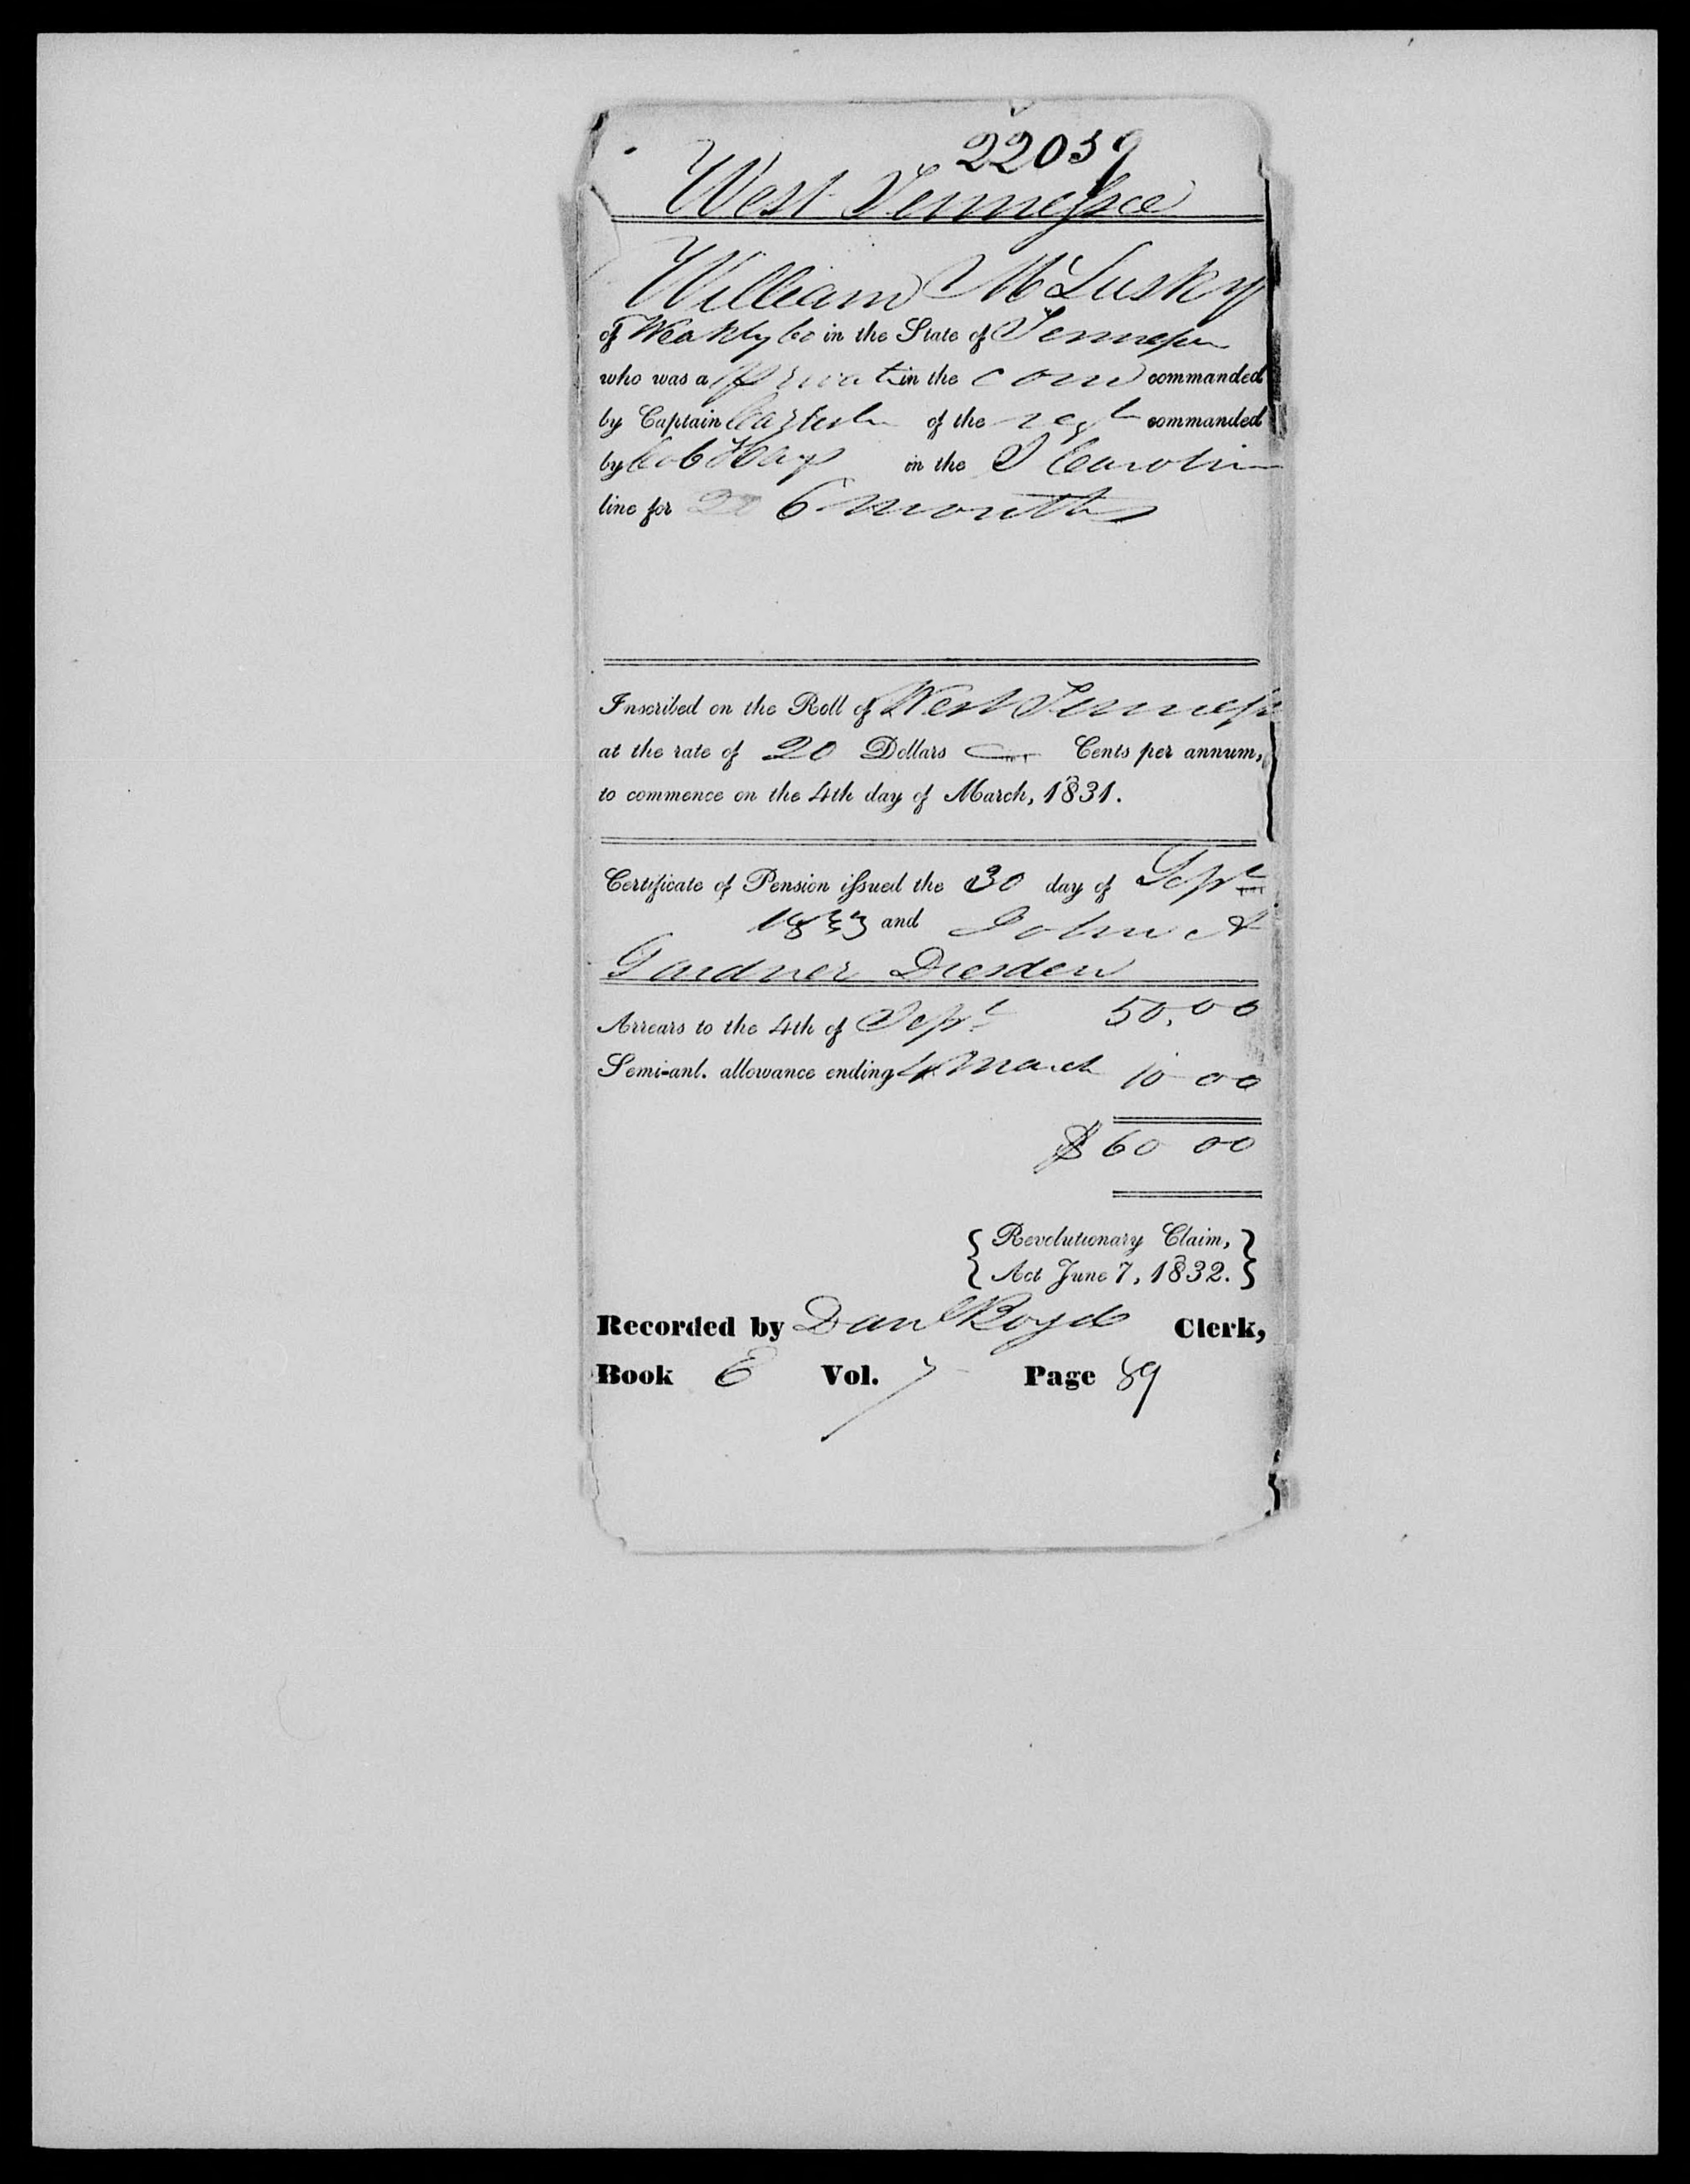22059 

West Tennessee
——————————————-
William M Lusky of Weakley Co in the State of Tennessee who was a private in the com commanded by Captain Carlisle of the regt commanded by Col Hays in the S Carolina line for 6 months 
—————————————-
Inscribed on the Roll of West Tennesee at the rate of 20 Dollars___ Cents per annum, to commence on the 4th day of March, 1831. 
—————————————-

Certificate of Pension issued the 30 day of Sept 1833 and John A Gardner    Dresden
——————————————-
Arrears to the 4th of Sept    50. 00 
Semi-anl. allowance ending 4 March 10.00 
————————————————————
                                               $60.00 

{Revolutionary Claim,} 
{Act June 7, 1832.} 

Recorded by Danl  Boyd Clerk, 
Book E Vol. 7 Page 89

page: 2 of 14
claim: survivor's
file: S. 1693, for William Mc Lusky, South Carolina